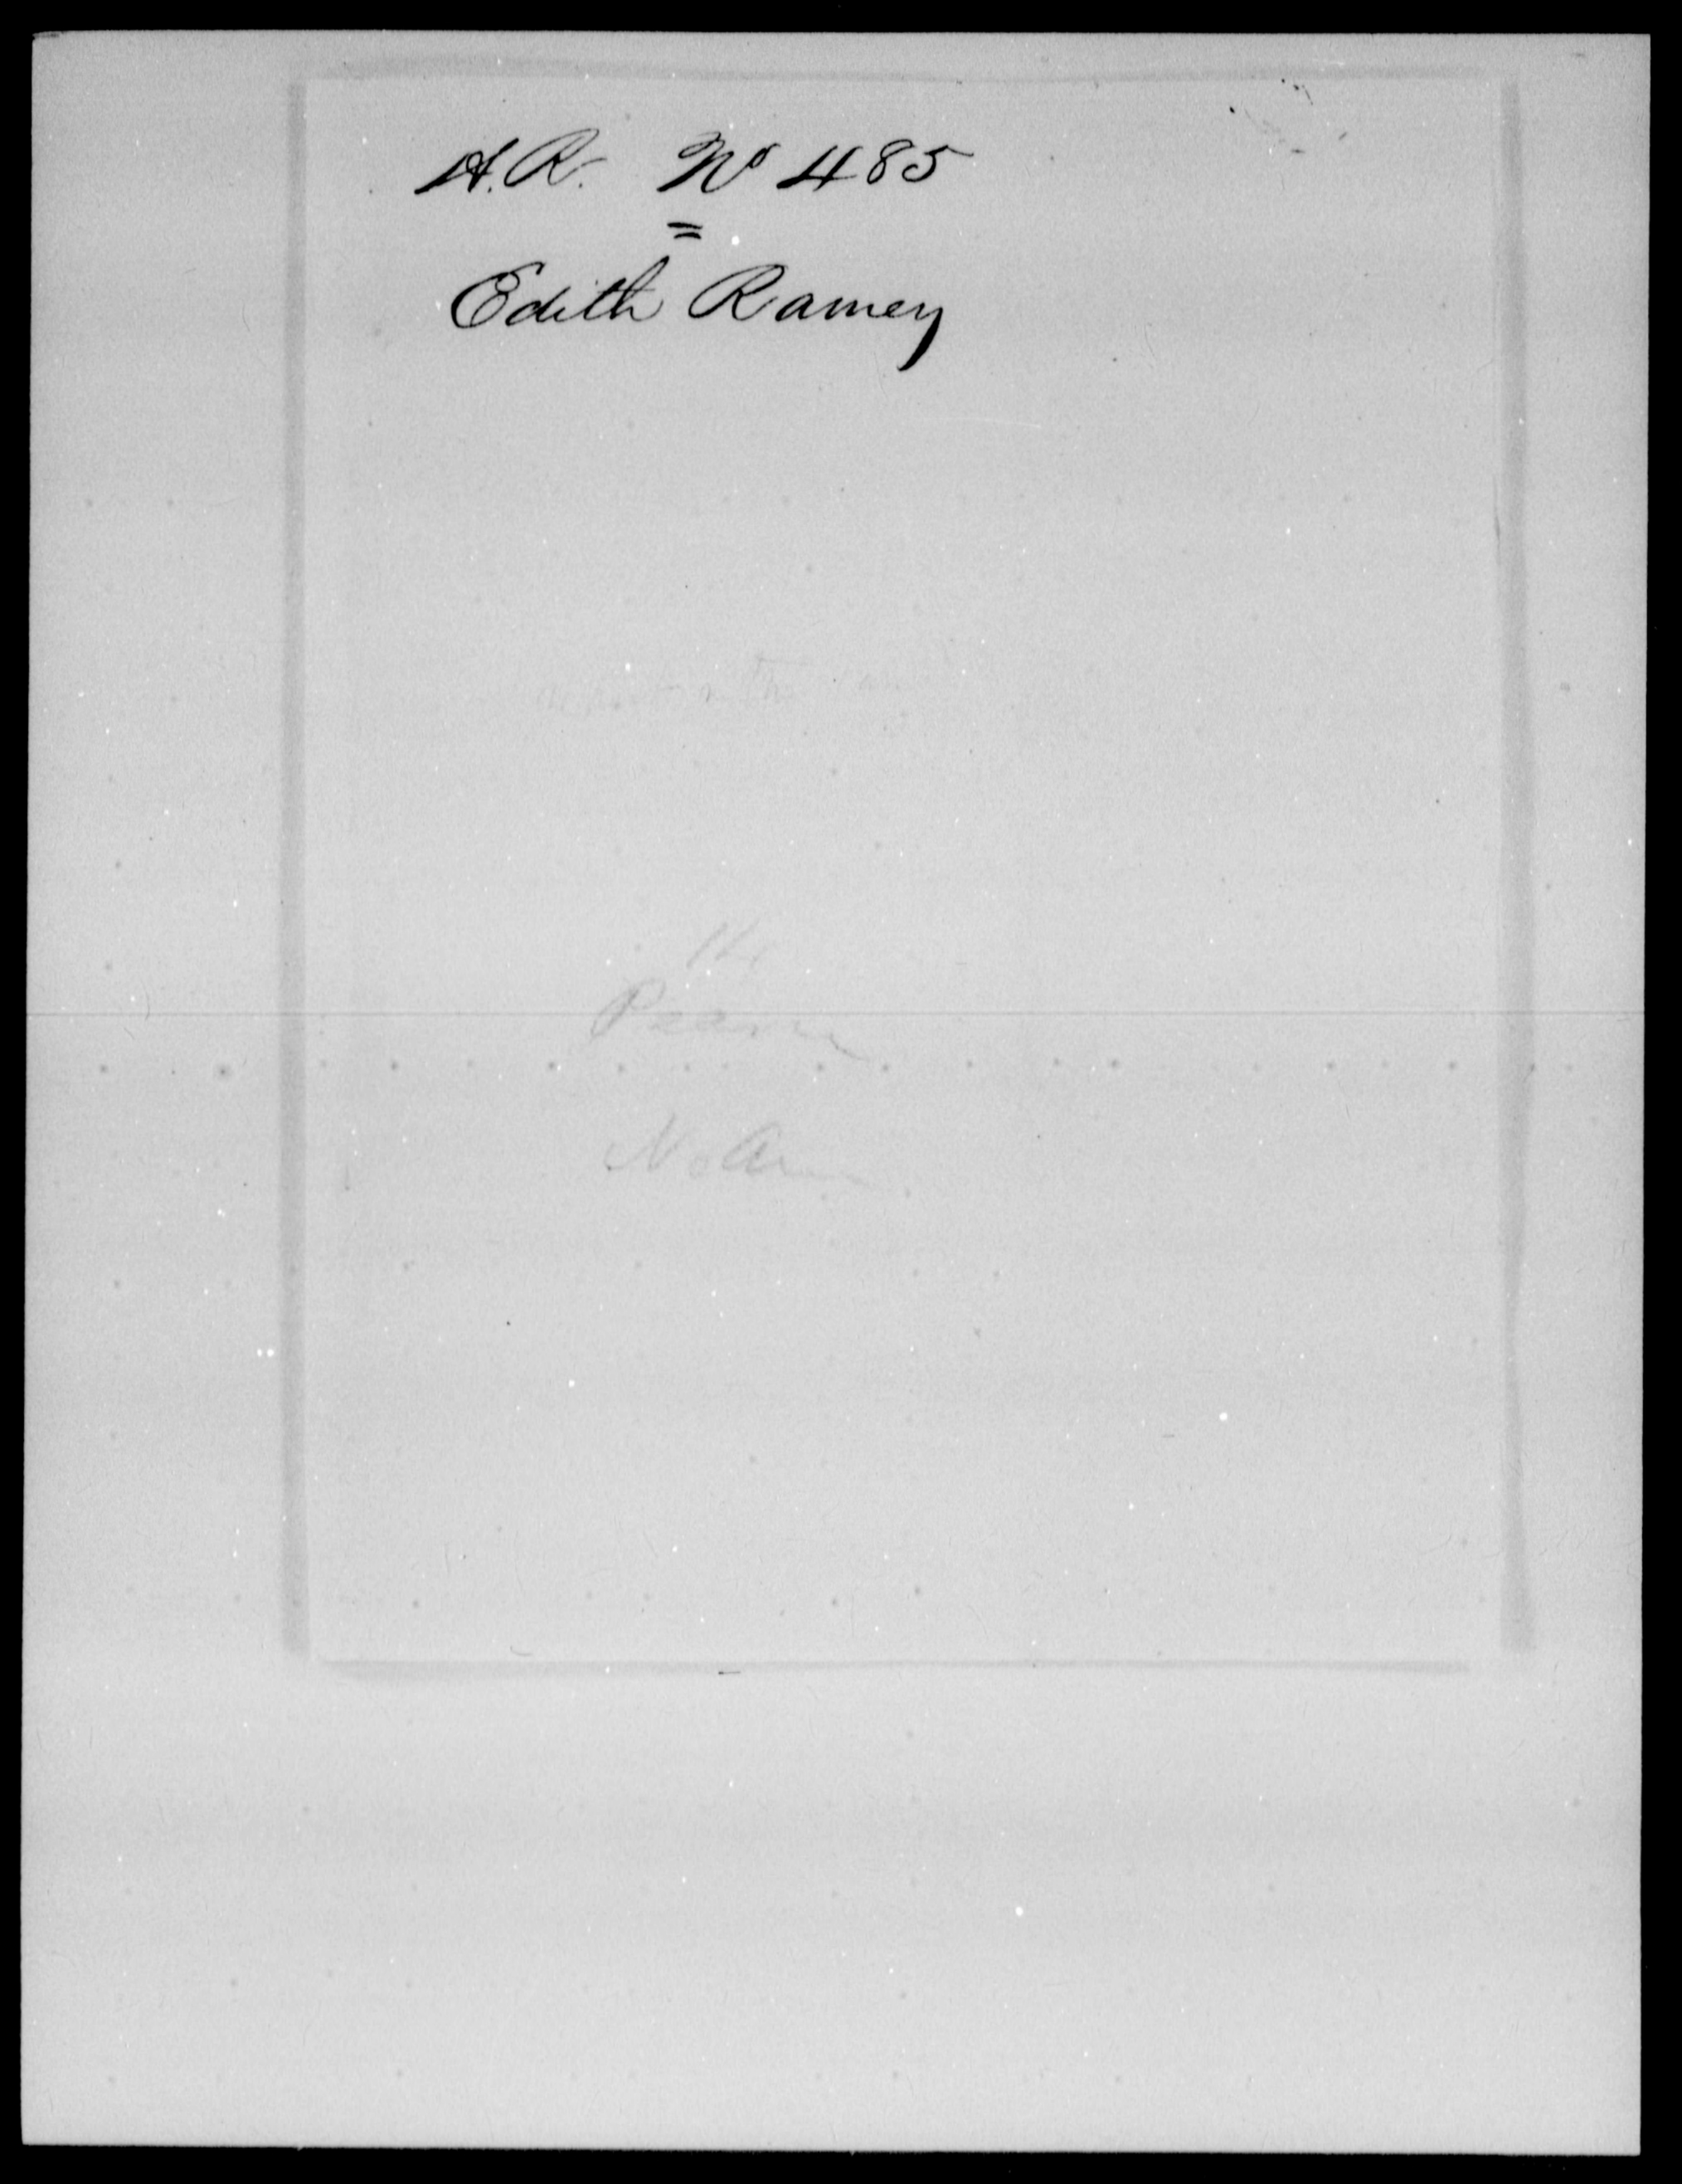H.R. No 485
Edith Ramey

11
Pearce
No Am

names: Edith Ramey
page: 73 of 84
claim: widow's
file: W.11104, for John Remay, Virginia